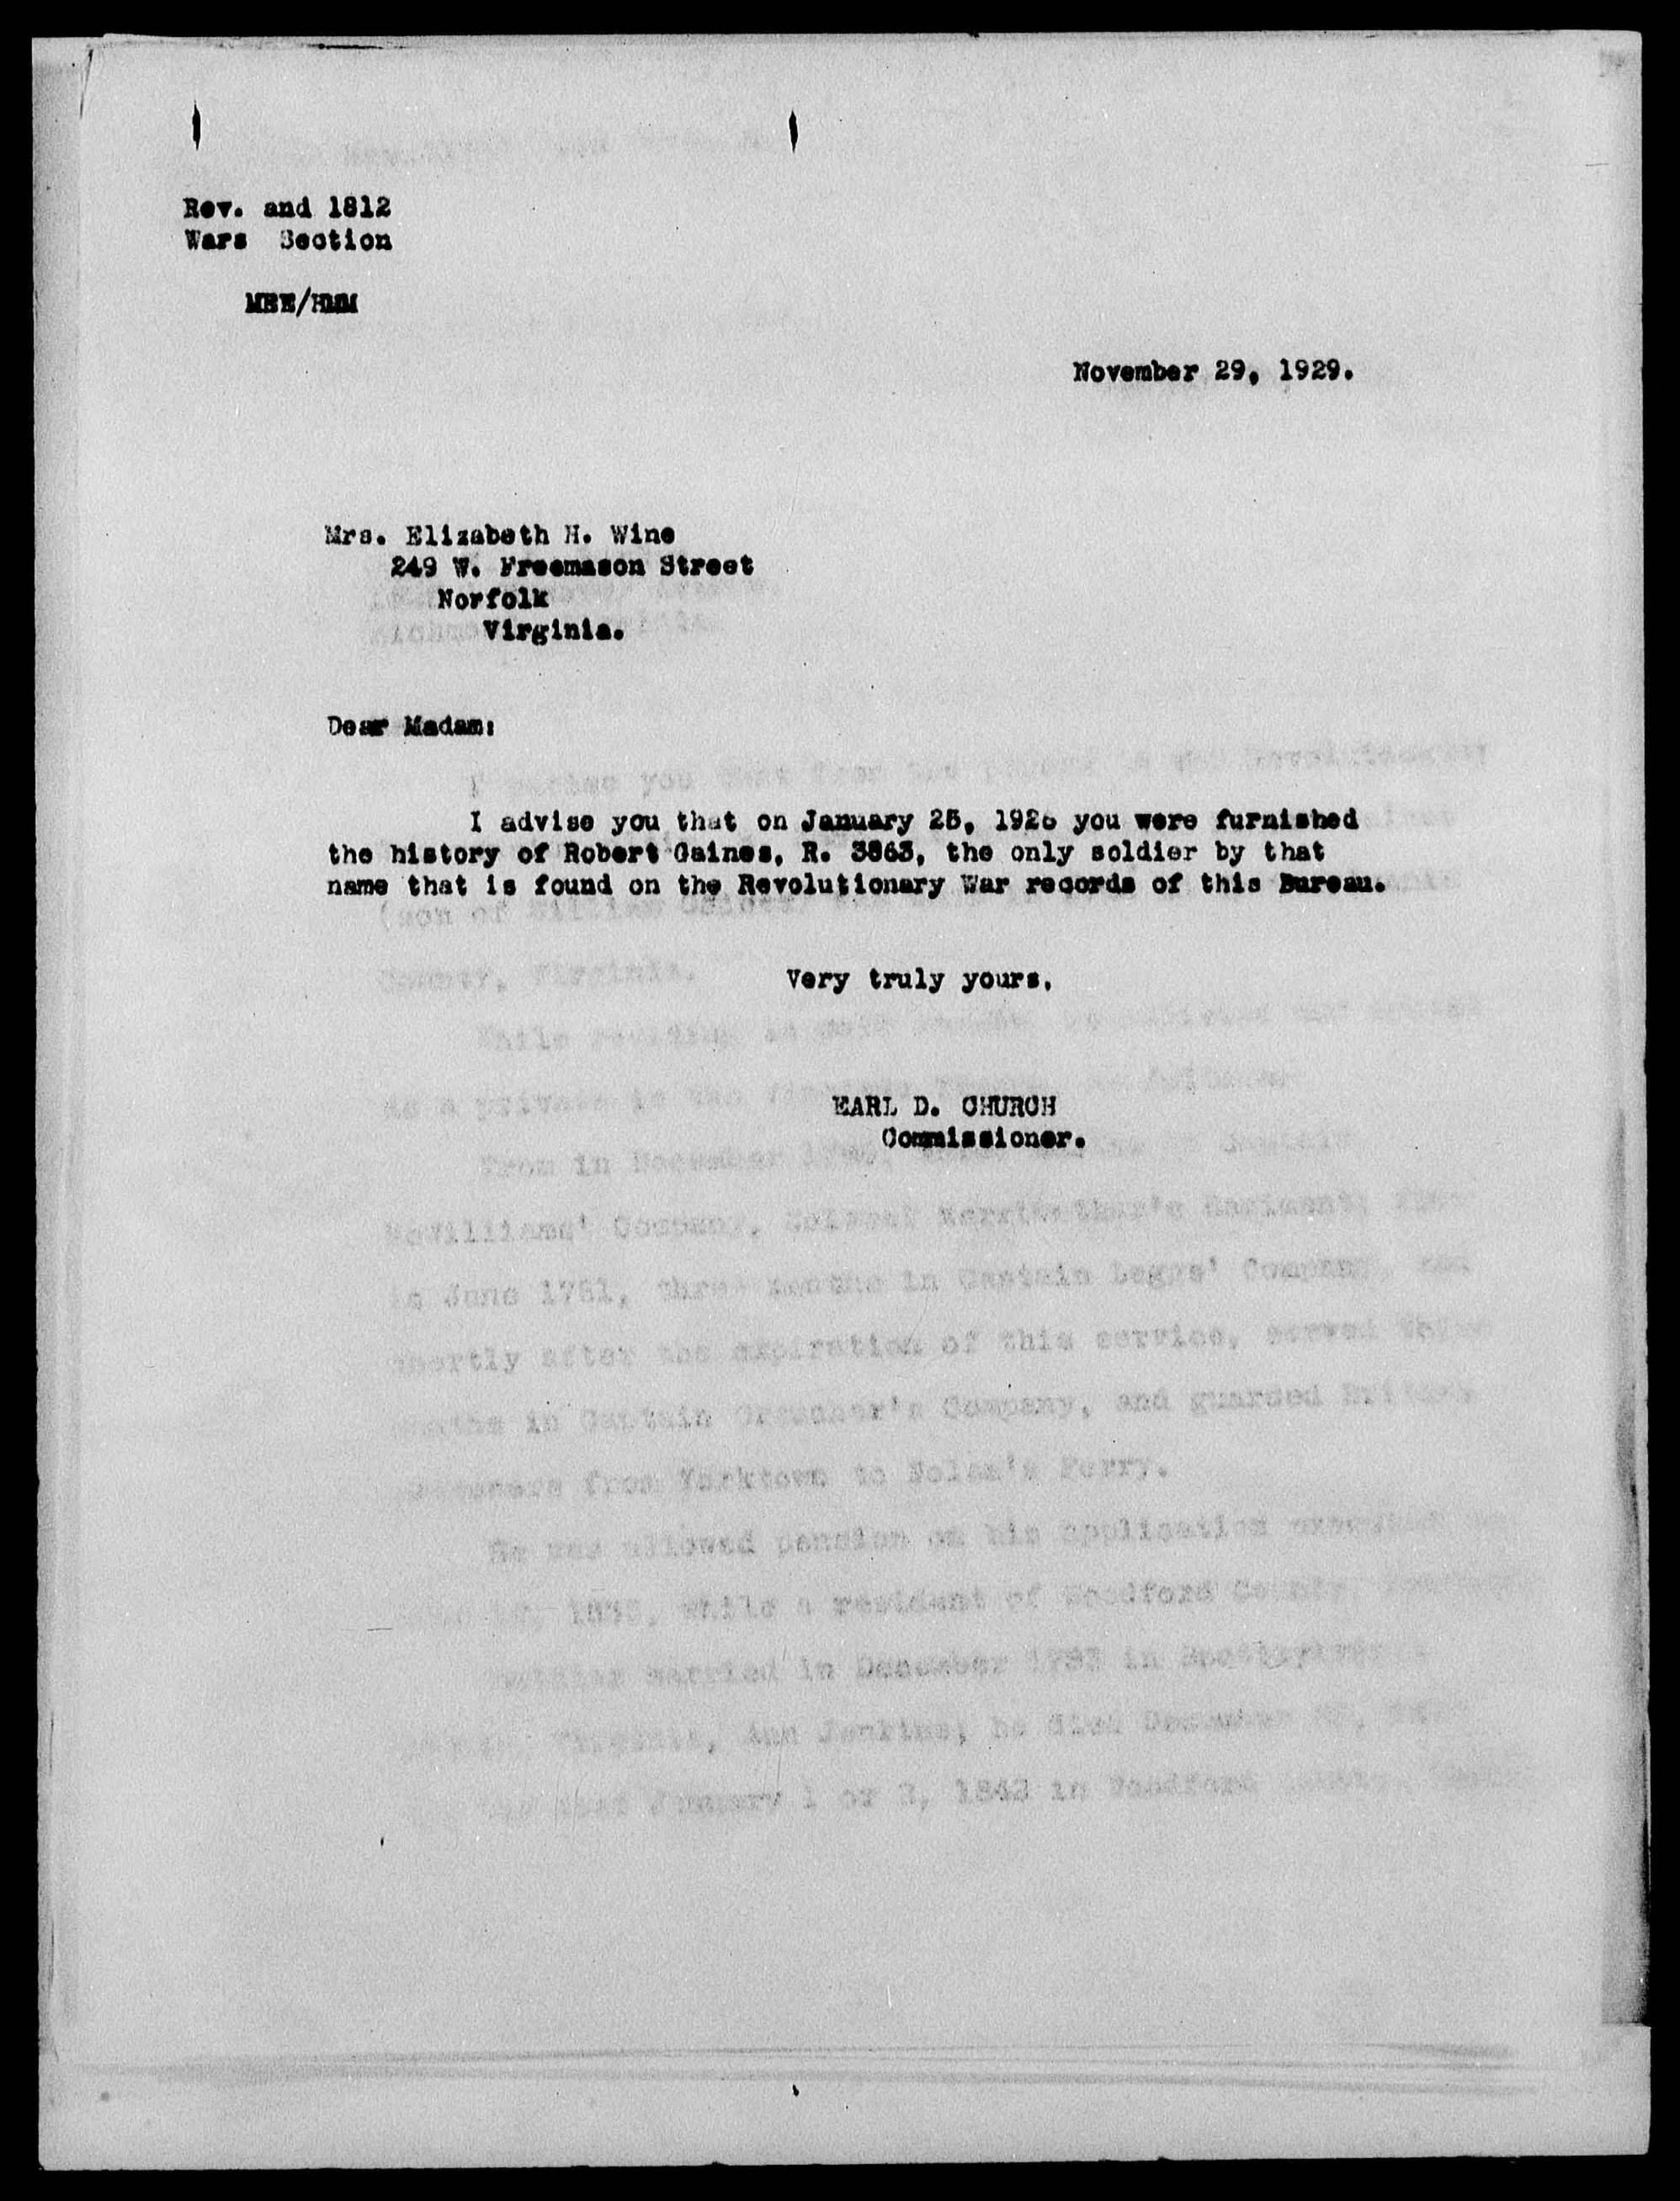Rev. and 1812
Wars Section
MEE/HMM
November 29, 1929.
Mrs. Elizabeth H. Wine
249 W Freemason Street
Norfolk
Virginia.
Dear Madam:
I advise you that on January 25, 1926 you were furnished
the history of Robert Gaines, R. 3863, the only soldier by that
name that is found on the Revolutionary War records of this Bureau.
Very truly yours,
EARL D. CHURCH
Commissioner.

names: Elizabeth H Wine, Robert Gaines, Earl D Church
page: 25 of 79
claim: rejected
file: R. 3863, Robert Gaines, Va.